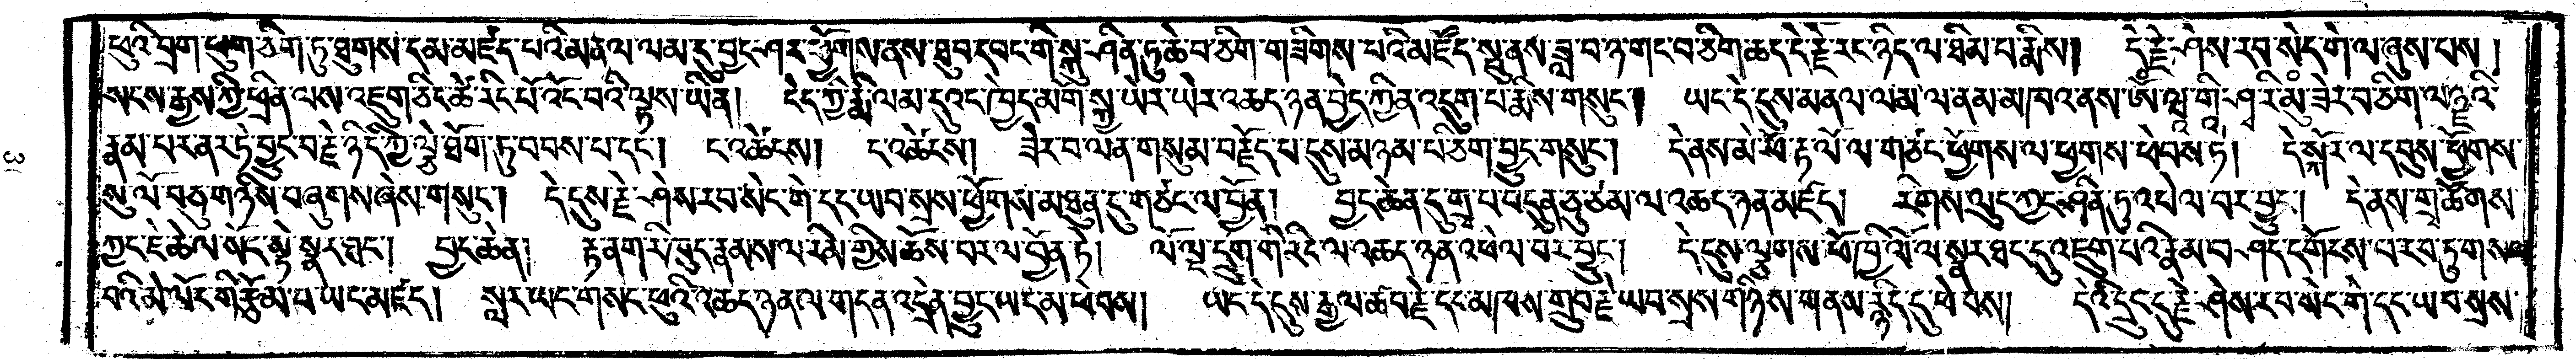ཕུའི་བྲག་ཕུག་ཅིག་ཏུ་ཐུགས་དམ་མཛད་པའི་མནལ་ལམ་དུ་བྱང་ཤར་ཕྱོགས་ནས་ཐུབ་དབང་གི་སྐུ་ཤིན་ཏུ་ཆེ་བ་ཅིག་གཟིགས་པའི་མཛོད་སྤུ་ནས་ཟླ་བ་ཉ་གང་བ་ཅིག་ཆད་དེ་རྗེ་རང་ཉིད་ལ་ཐིམ་པ་རྨིས། དེ་རྗེ་ཤེས་རབ་སེང་གེ་ལ་ཞུས་པས།
སངས་རྒྱས་ཀྱི་ཕྲིན་ལས་འཇུག་ཅིང་ཚེ་རིང་པོ་འོང་བའི་ལྟས་ཡིན། ངེད་ཀྱི་རྨི་ལམ་དུའང་ཁྱེད་མགོ་སྐྱ་ཡེར་ཡེར་འཆད་ཉན་བྱེད་ཀྱིན་འདུག་པ་རྨིས་གསུང་། ཡང་དེ་དུས་མནལ་ལམ་ལ་ནམ་མཁའ་ནས་ཨོཾ་ཝཱ་གཱི་ཤྭ་རི་མུཾ་ཟེར་བ་ཅིག་ལ་ཉྫའི་
རྣམ་པར་ནར་ཏེ་བྱུང་བ་རྗེ་ཉིད་ཀྱི་ལྕེ་ཐོག་ཏུ་བབས་པ་དང་། གན་འཚེངས། ང་འཚེངས། ཟེར་བ་ལན་གསུམ་བརྗོད་པ་དུས་མཉམ་པ་ཅིག་བྱུང་གསུང་། དེ་ནས་མེ་ཕོ་རྟ་ལོ་ལ་གཙང་ཕྱོགས་ལ་ཕྱགས་ཕེབས་ཏེ། དེ་སྐོར་ལ་དབུས་ཕྱོགས་
སུ་ལོ་བཅུ་གཉིས་བཞུགས་ཞེས་གསུང་། དེ་དུས་རྗེ་ཤེས་རབ་སེང་གེ་དང་ཡབ་སྲས་ཕྱོགས་མཐུན་དུ་གཙང་ལ་བྱོན། བྱང་ཆེན་དུ་གྲྭ་པ་བདུན་ཅུ་ཙམ་ལ་འཆད་ཉན་མཛད། རིགས་ལུང་ཀྱང་ཤིན་ཏུ་འཕེལ་བར་བྱུང་། དེ་ནས་གྲྭ་ཚོགས་
ཀྱང་ཇེ་ཆེ་ལ་སོང་སྟེ་སྣར་ཐང་། བྱང་ཆེན། རྟ་ནག་རི་ཁུད་རྣམས་ལ་རིམ་གྱིས་ཆོས་བར་ལ་བྱོན་ཏེ། ལོ་ལྔ་དྲུག་གི་རིང་ལ་འཆད་ཉན་འཕེལ་བར་བྱུང་། དེ་དུས་ལྕགས་ཕོ་ཁྱི་ལོ་ལ་སྣར་ཐང་དུ་འཇུག་པའི་རྣམ་བཤད་དགོངས་པ་རབ་ཏུ་གསལ་
བའི་མེ་ལོང་གི་རྩོམ་པ་ཡང་མཛད། སླར་ཡང་གསང་ཕུའི་འཆད་ཉན་ལ་གདན་འདྲེན་བྱུང་ཡང་མ་ཕེབས། ཡང་དེ་དུས་རྒྱལ་ཚབ་རྗེ་དང་མཁས་གྲུབ་རྗེ་ཡབ་སྲས་གཉིས་གནས་རྙིད་དུ་ཕེབས། དེའི་དྲུང་དུ་རྗེ་ཤེས་རབ་སེང་གེ་དང་ཡབ་སྲས་